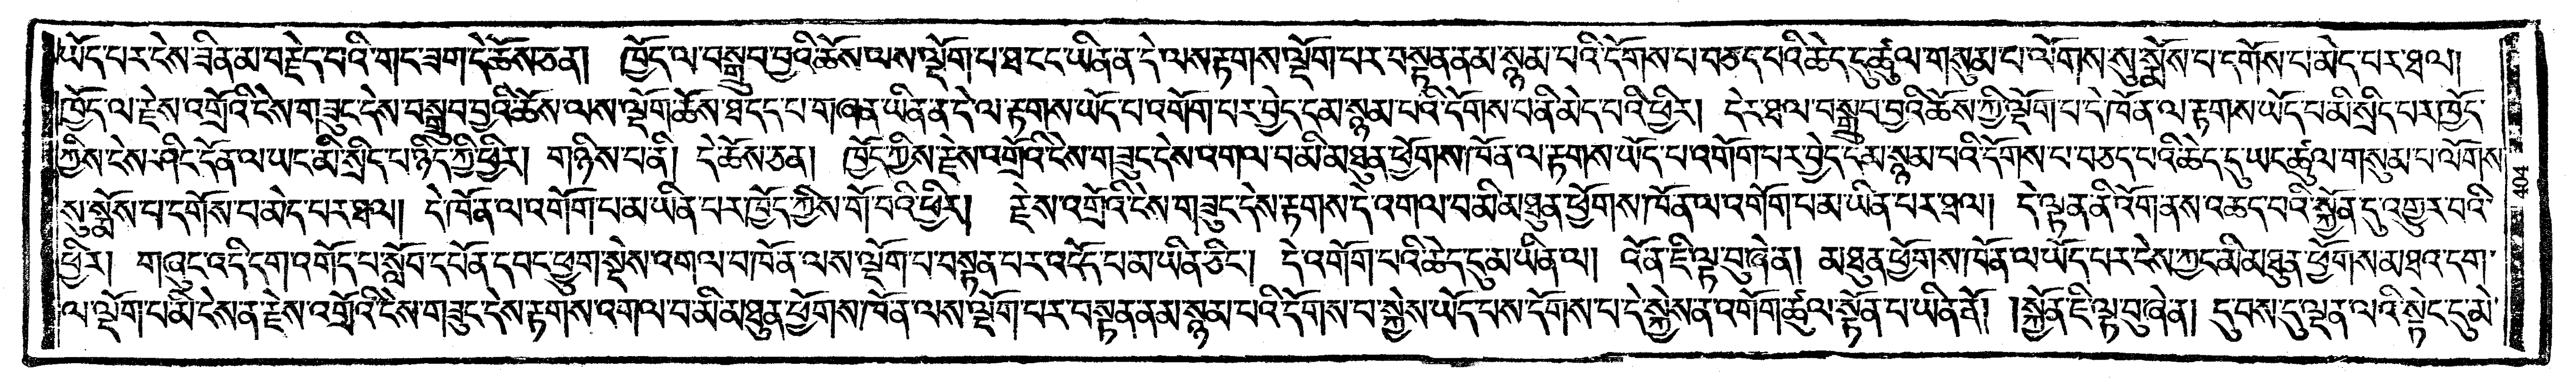ཡོད་པར་ངེས་ཟིན་མ་བརྗེད་པའི་གང་ཟག་དེ་ཆོས་ཅན། ཁྱོད་ལ་བསྒྲུབ་བྱའི་ཆོས་ལས་ལྡོག་པ་ཐ་དད་ཡིན་ན་དེ་ལས་རྟགས་ལྡོག་པར་བསྟན་ནམ་སྙམ་པའི་དོགས་པ་བཅད་པའི་ཆེད་དུ་ཚུལ་གསུམ་པ་ལོགས་སུ་སྨོས་པ་དགོས་པ་མེད་པར་ཐལ།
ཁྱོད་ལ་རྗེས་འགྲོའི་ངེས་གཟུང་དེས་བསྒྲུབ་བྱའི་ཆོས་ལས་ལྡོག་ཆོས་ཐ་དད་པ་གཞན་ཡིན་ན་དེ་ལ་རྟགས་ཡོད་པ་འགོག་པར་བྱེད་དམ་སྙམ་པའི་དོགས་པ་ནི་མེད་པའི་ཕྱིར། དེར་ཐལ་བསྒྲུབ་བྱའི་ཆོས་ཀྱི་ལྡོག་པ་དེ་ཁོ་ན་ལ་རྟགས་ཡོད་པ་མི་སྲིད་པར་ཁྱོད་
ཀྱིས་ངེས་ཤིང་དོན་ལ་ཡང་མི་སྲིད་པ་ཉིད་ཀྱི་ཕྱིར། གཉིས་པ་ནི། དེ་ཆོས་ཅན། ཁྱོད་ཀྱིས་རྗེས་འགྲོའི་ངེས་གཟུང་དེས་འགལ་བ་མི་མཐུན་ཕྱོགས་ཁོ་ན་ལ་རྟགས་ཡོད་པ་འགོག་པར་བྱེད་དམ་སྙམ་པའི་དོགས་པ་བཅད་པའི་ཆེད་དུ་ཡང་ཚུལ་གསུམ་པ་ལོགས་
སུ་སྨོས་པ་དགོས་པ་མེད་པར་ཐལ། དེ་ཁོ་ན་ལ་འགོག་པ་མ་ཡིན་པར་ཁྱོད་ཀྱིས་གོ་བའི་ཕྱིར། རྗེས་འགྲོའི་ངེས་གཟུང་དེས་རྟགས་དེ་འགལ་བ་མི་མཐུན་ཕྱོགས་ཁོ་ན་ལ་འགོག་པ་མ་ཡིན་པར་ཐལ། དེ་ལྟ་ན་ནི་འོག་ནས་འཆད་བའི་སྐྱོན་དུ་འགྱུར་བའི་
ཕྱིར། གཞུང་འདི་དག་འགོད་པ་སློབ་དཔོན་དབང་ཕྱུག་སྡེས་འགལ་བ་ཁོ་ན་ལས་ལྡོག་པ་བསྟན་པར་འདོད་པ་མ་ཡིན་ཅིང་། དེ་འགོག་པའི་ཆེད་དུ་མ་ཡིན་ལ། འོ་ན་ཇི་ལྟ་བུ་ཞེ་ན། མཐུན་ཕྱོགས་ཁོ་ན་ལ་ཡོད་པར་ངེས་ཀྱང་མི་མཐུན་ཕྱོགས་མཐའ་དག་
ལ་ལྡོག་པ་མི་ངེས་ན་རྗེས་འགྲོའི་ངེས་གཟུང་དེས་རྟགས་འགལ་བ་མི་མཐུན་ཕྱོགས་ཁོ་ན་ལས་ལྡོག་པར་བསྟན་ནམ་སྙམ་པའི་དོགས་པ་སྐྱེས་ཡོད་པས་དོགས་པ་དེ་སྐྱེས་ན་འགོག་ཚུལ་སྟོན་པ་ཡིན་ནོ། །སྐྱོན་ཇི་ལྟ་བུ་ཞེ་ན། དུ་བས་དུ་ལྡན་ལའི་སྟེང་དུ་མེ་